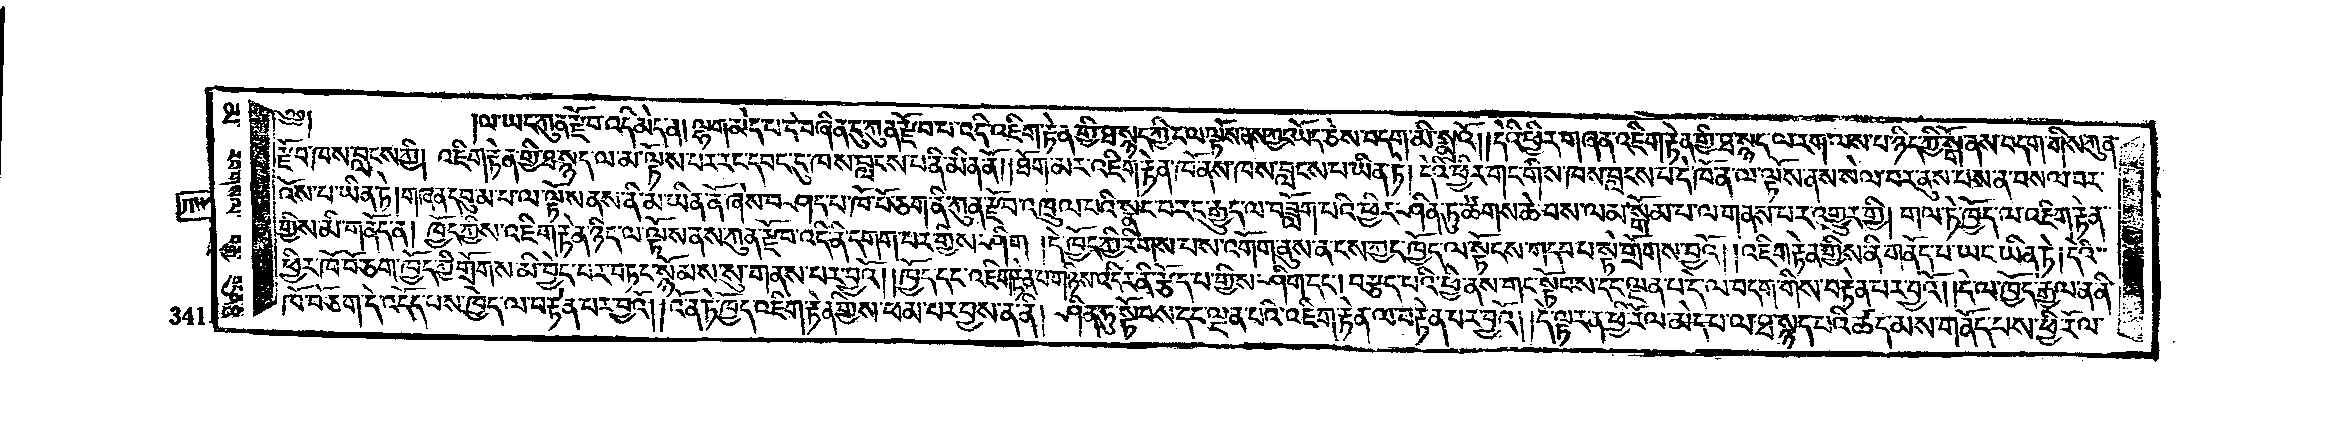༄༅། །ལ་ཡང་ཀུན་རྫོབ་འདི་མེད་ན། ལྷག་མེད་པ་དེ་བཞིན་དུ་ཀུན་རྫོབ་པ་འདི་འཇིག་རྟེན་གྱི་ཐ་སྙད་ཀྱི་ང་ལ་ལྟོས་ནས་ཀྱང་ཡོད་ཅེས་བདག་མི་སྨྲའོ། །དེའི་ཕྱིར་གཞན་འཇིག་རྟེན་གྱི་ཐ་སྙད་ལ་རག་ལས་པ་ཉིད་ཀྱི་སྒོ་ནས་བདག་གིས་ཀུན་
རྫོབ་ཁས་བླངས་ཀྱི། འཇིག་རྟེན་གྱི་ཐ་སྙད་ལ་མ་ལྟོས་པར་རང་དབང་དུ་ཁས་བླངས་པ་ནི་མིན་ནོ། །ཐོག་མར་འཇིག་རྟེན་ཁོ་ནས་ཁས་བླངས་པ་ཡིན་ཏེ། དེའི་ཕྱིར་གང་གིས་ཁས་བླངས་པ་དེ་ཁོ་ན་ལ་ལྟོས་ནས་སེལ་བར་ནུས་པས་ན་བསལ་བར་
འོས་པ་ཡིན་ཏེ། གཞན་དབུ་མ་པ་ལ་ལྟོས་ནས་ནི་མ་ཡིན་ནོ་ཞེས་བཤད་པ་ཁོ་བོ་ཅག་ནི་ཀུན་རྫོབ་འཁྲུལ་པའི་སྣང་བ་རང་རྒྱུད་ལ་བཟློག་པའི་ཕྱིར་ཤིན་ཏུ་ཚོགས་ཆེ་བས་ལམ་སྒོམ་པ་ལ་གནས་པར་འགྱུར་གྱི། གལ་ཏེ་ཁྱོད་ལ་འཇིག་རྟེན་
གྱིས་མི་གནོད་ན། ཁྱོད་ཀྱིས་འཇིག་རྟེན་ཉིད་ལ་ལྟོས་ནས་ཀུན་རྫོབ་འདི་ནི་དགག་པར་གྱིས་ཤིག །དེ་ཁྱོད་ཀྱི་རིགས་པས་འགོག་ནུས་ན་ངས་ཀྱང་ཁྱོད་ལ་སྟོངས་གདབ་པ་སྟེ་གྲོགས་བྱའོ། །འཇིག་རྟེན་གྱིས་ནི་གནོད་པ་ཡང་ཡིན་ཏེ། དེའི་
ཕྱིར་ཁོ་བོ་ཅག་ཁྱོད་ཀྱི་གྲོགས་མི་བྱེད་པར་བཏང་སྙོམས་སུ་གནས་པར་བྱའོ། །ཁྱོད་དང་འཇིག་རྟེན་པ་གཉིས་འདིར་ནི་རྩོད་པ་གྱིས་ཤིག་དང་། བརྩད་པའི་ཕྱི་ནས་གང་སྟོབས་དང་ལྡན་པ་དེ་ལ་བདག་གིས་བརྟེན་པར་བྱའོ། །དེ་ལ་ཁྱོད་རྒྱལ་ན་ནི་
ཁོ་བོ་ཅག་དེ་འདོད་པས་ཁྱེད་ལ་བརྟེན་པར་བྱའོ། །འོན་ཏེ་ཁྱོད་འཇིག་རྟེན་གྱིས་ཕམ་པར་བྱས་ན་ནི། ཤིན་ཏུ་སྟོབས་དང་ལྡན་པའི་འཇིག་རྟེན་ལ་བརྟེན་པར་བྱའོ། །དེ་ལྟར་ན་ཕྱི་རོལ་མེད་པ་ལ་ཐ་སྙད་པའི་ཚད་མས་གནོད་པས་ཕྱི་རོལ་